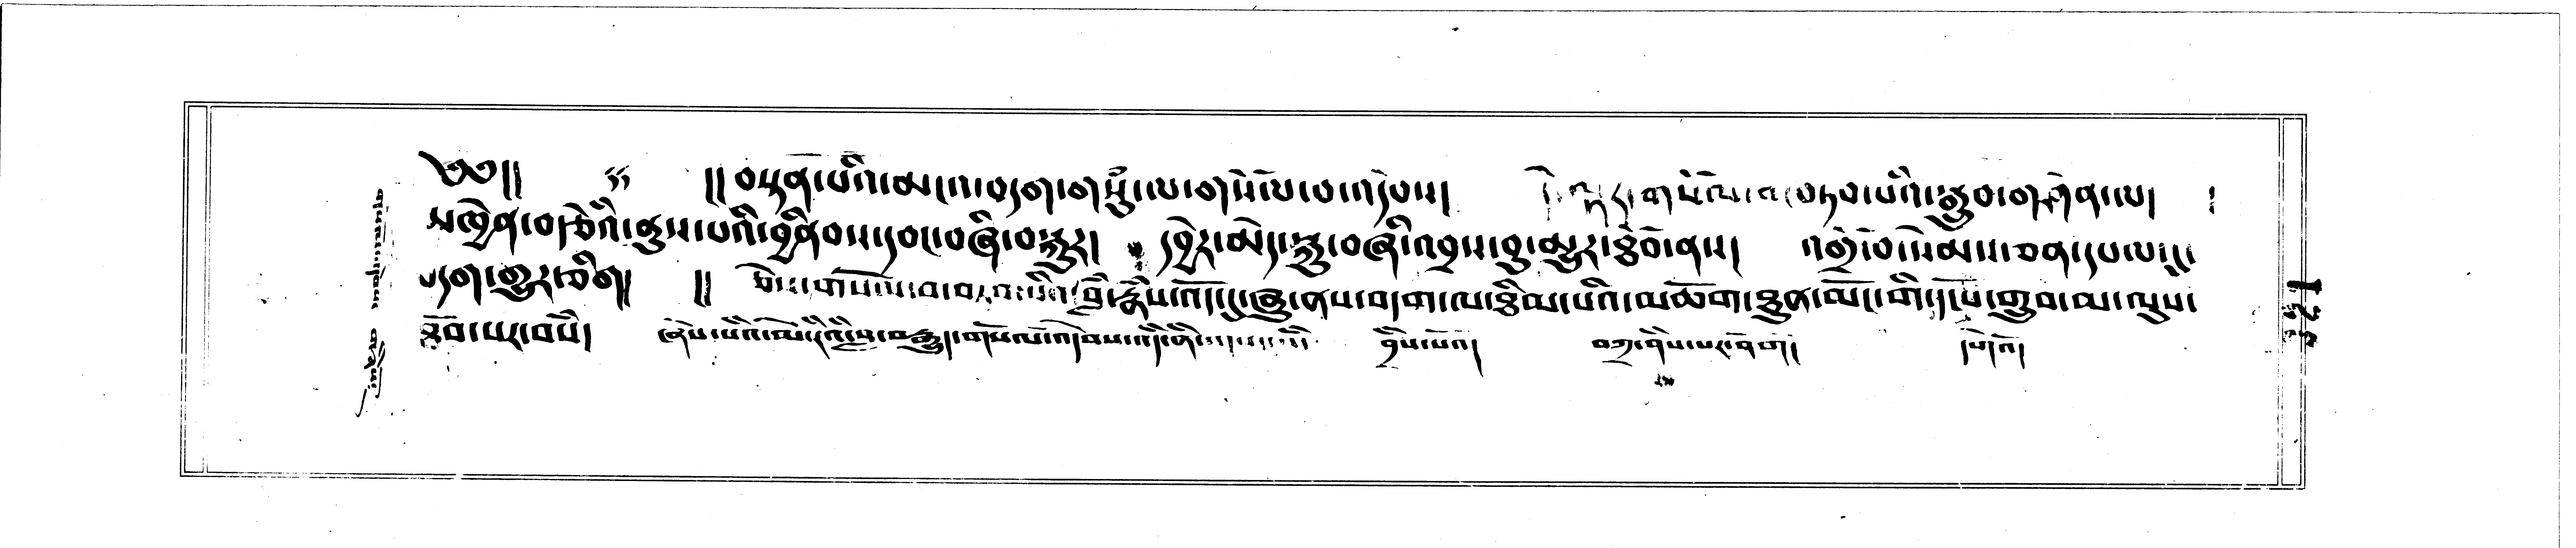བསྟན་པའི་མངའ་བདག་གསུམ་ལ་གསོལ་བ་འདེབས། དེ་ལྟར་གསོལ་བ་བཏབ་པའི་སྒྲུབ་གཤེན་ལ། 
མཁྱེན་བརྩེའི་ནུས་པའི་བྱིན་རླབས་དབང་བཞི་བསྐུར། དབྱེར་མེད་སྐུ་བཞི་འབྲས་བུ་མྱུར་ཐོབ་ནས། འགྲོ་བ་སེམས་ཅན་དཔལ་དུ་
བདག་གྱུར་ཅིག ཅེས་གསོལ་བ་བཏབ་པའི་བླ་མ་རྣམས་འོད་དུ་ཞུ་ནས་བདག་ལ་ཐིམ་པའི་མཆོག་ཐུན་མོང་གི་དངོས་གྲུབ་མ་ལུས་
ཐོབ་པར་བསམ། ཞེས་པའི་མེ་རིའི་བླ་བརྒྱུད་གསོལ་འདེབས་འདི་ནི་འདག་གིས་བྲིས་པའོ། བཀྲ་ཤིས་པར་ཤོག།། དགེའོ།